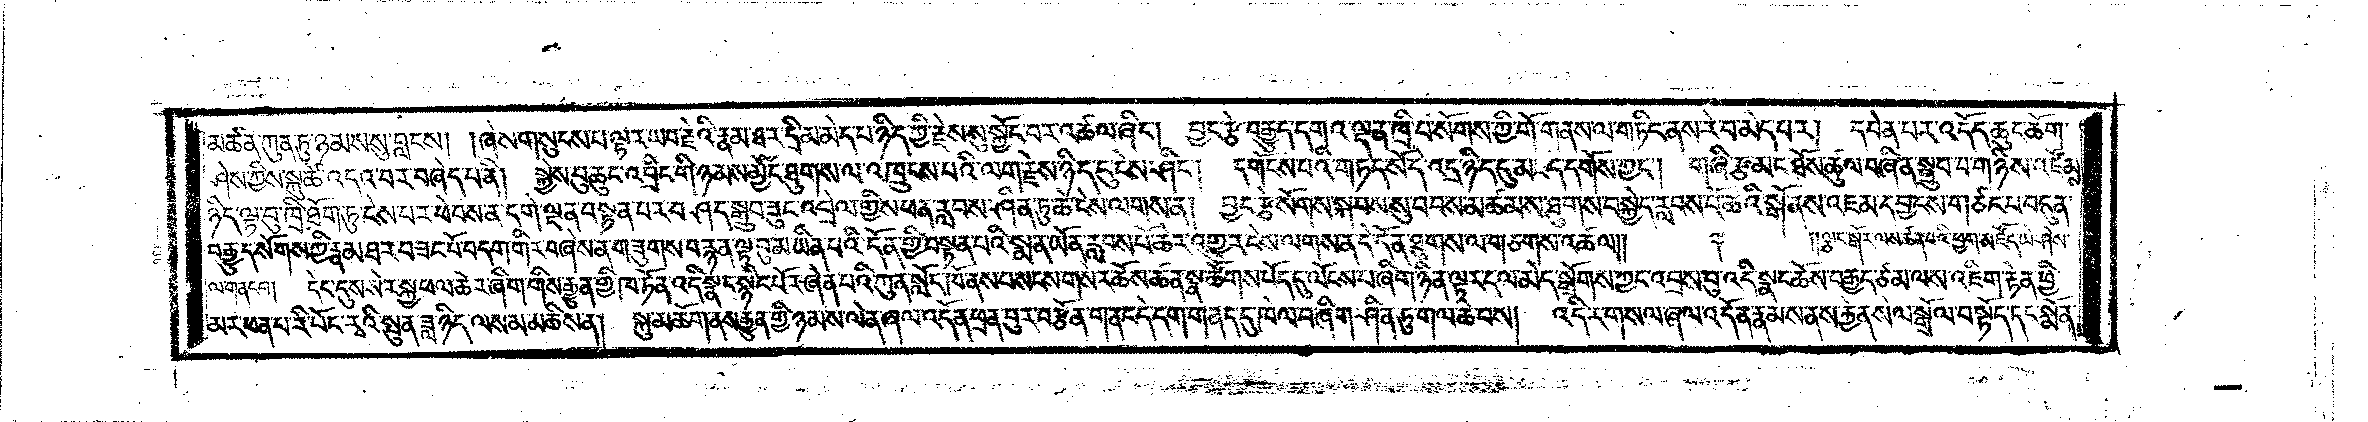མཚན་ཀུན་ཏུ་ཉམས་སུ་བླངས། །ཞེས་གསུངས་པ་ལྟར་ཡབ་རྗེའི་རྣམ་ཐར་དྲི་མ་མེད་པ་ཉིད་ཀྱི་རྗེས་སུ་སྐྱོང་བར་འཚལ་ཞིང་། བྱང་རྩེ་བརྒྱུད་དགའ་ལྡན་ཁྲི་པ་སོགས་ཀྱི་གོ་གནས་ལ་གཏིང་ནས་རེ་བ་མེད་པར། དབེན་པར་འདོད་ཆུང་ཆོག་
ཤེས་ཀྱིས་སྐུ་ཚེ་འདའ་བར་བཞེད་པ་ནི། སྐྱེས་བུ་ཆུང་འབྲིང་གི་ཉམས་མྱོང་ཐུགས་ལ་འཁྲུངས་པའི་ལག་རྗེས་ཉིད་དུ་ངེས་ཤིང་། དགོངས་པའི་གཏད་སོ་དེ་འདྲ་ཉིད་དུ་མཛད་དགོས་ཀྱང་། གཞི་རྩ་མང་ཐོས་ཚུལ་བཞིན་སྒྲུབ་པ་གཉིས་འཛོམས་
ཉིད་ལྟ་བུ་ཁྲི་ཐོག་ཏུ་ངེས་པར་ཕེབས་ན་དགེ་ལྡན་བསྟན་པར་བཤད་སྒྲུབ་ཟུང་འབྲེལ་གྱིས་ཕན་རླབས་ཤིན་ཏུ་ཚེ་ངེས་ལགས་ན། བྱང་རྩེ་སོགས་སྐབས་སུ་བབས་མཚམས་ཐུགས་བསྐྱེད་རླབས་པོ་ཆེའི་སྒོ་ནས་འཇམ་དབྱངས་གཙང་པ་བདུན་
བརྒྱུད་སོགས་ཀྱི་རྣམ་ཐར་བཟང་པོ་བདག་གིར་བཞེས་ན་གཟུགས་བརྙན་ལྟ་བུ་མ་ཡིན་པའི་དོན་གྱི་བསྟན་པའི་སྨན་ཡོན་རླབས་པོ་ཆེར་འགྱུར་ངེས་ལགས་ན་དེ་དོན་ཐུགས་ལ་གཅགས་འཚལ།། ༈ །།ལྕང་སྒོར་ལས་ཚན་པའི་ཕྱག་མཛོད་ཡེ་ཤེས་
ལ་གནང་བ། དེང་དུས་སེར་སྐྱ་ཕལ་ཆེར་ཞིག་གིས་རྒྱུན་གྱི་ཁ་ཏོན་འདི་སྣང་སྙིང་པོར་ཞེན་པའི་ཀུན་སློང་ཁོ་ནས་བསངས་གསེར་ཆོས་ཚན་སྣ་ཚོགས་པོད་དུ་ལོངས་པ་ཞིག་ཉིན་ལྟར་དལ་མེད་སྒྲོགས་ཀྱང་འབྲས་བུ་འདི་སྣང་ཆོས་བརྒྱད་ཙམ་ལས་འཇིག་རྟེན་ཕྱི་
མར་ཕན་པ་རི་བོང་རྭའི་སྤུན་ཟླ་ཉིད་ལས་མ་མཆིས་ན། སྐུ་མཆོག་ནས་རྒྱུན་གྱི་ཉམས་ལེན་ཞལ་འདོན་ཕྲན་བུར་བརྩོན་གནང་དེ་དག་གནད་དུ་ཁེལ་བ་ཞིག་ཤིན་ཏུ་གལ་ཆེ་བས། འདིར་གསལ་ཞལ་འདོན་རྣམས་ནས་རྐྱེན་སེལ་སྒྲོལ་བསྟོད་དང་སྨོན་